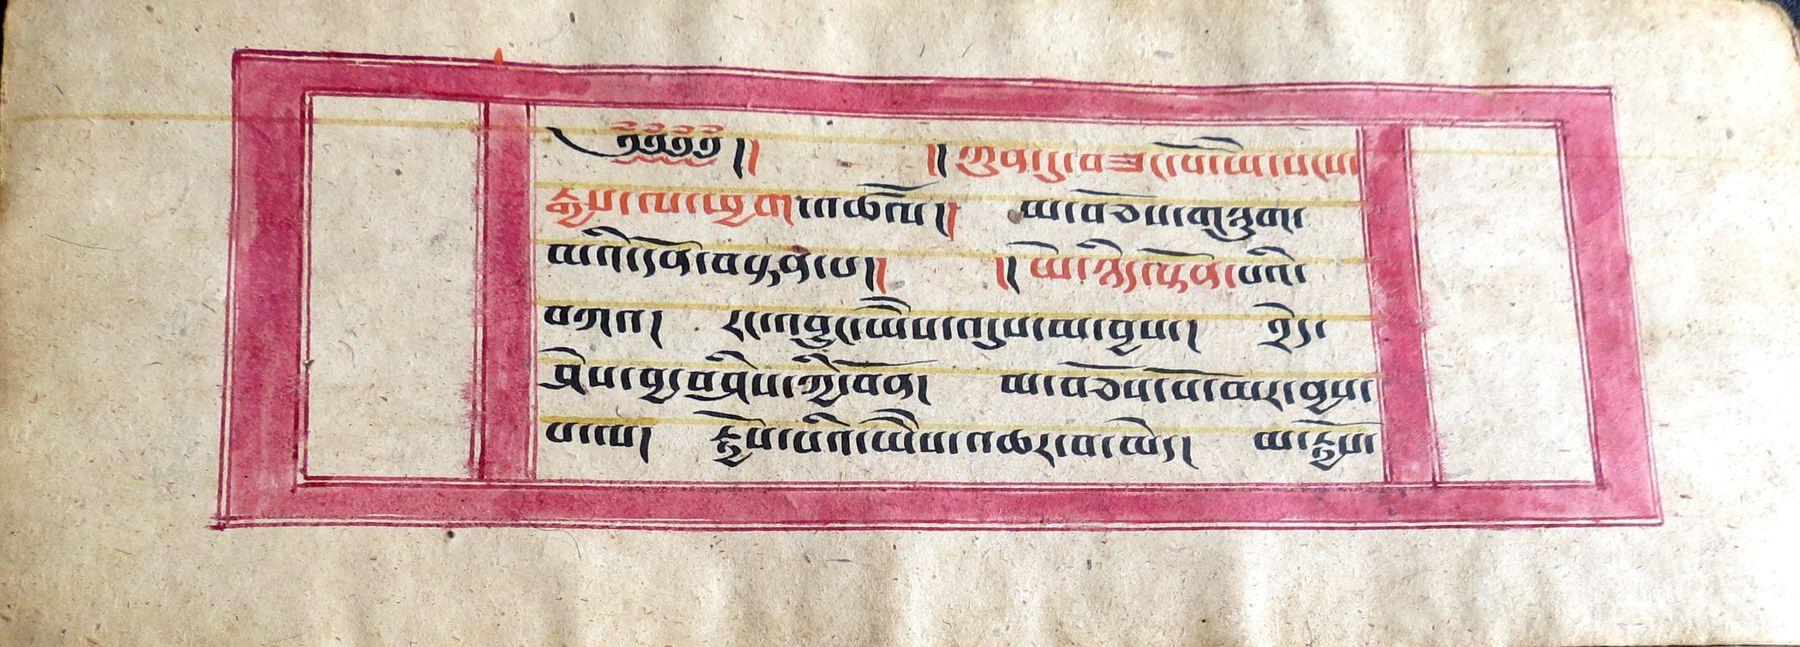༄༅། ། ། ། ཀུན་ཏུ་བཟང་པོ་ཡེ་སངས་
རྒྱས་ལ་ཕྱག་འཚལ་ལོ། ། མ་བཅོས་གཉུག་
མའི་དོན་བསྟན་པ། ། ཡེ་ཉིད་སྟོན་པའི་
བཀའ། ། རང་འབྱུང་ཡེ་ཤེས་འདུས་མ་བྱས། ། གཉིས་
ཤེས་བྱ་གཤིས་ཀྱི་བོན། ། མ་བཅོས་སོ་མར་བྱས་
པ་ལ། ། རྟོགས་པའི་ཡེ་ཤེས་འཆར་བ་མེད། ། མ་རྟོགས་